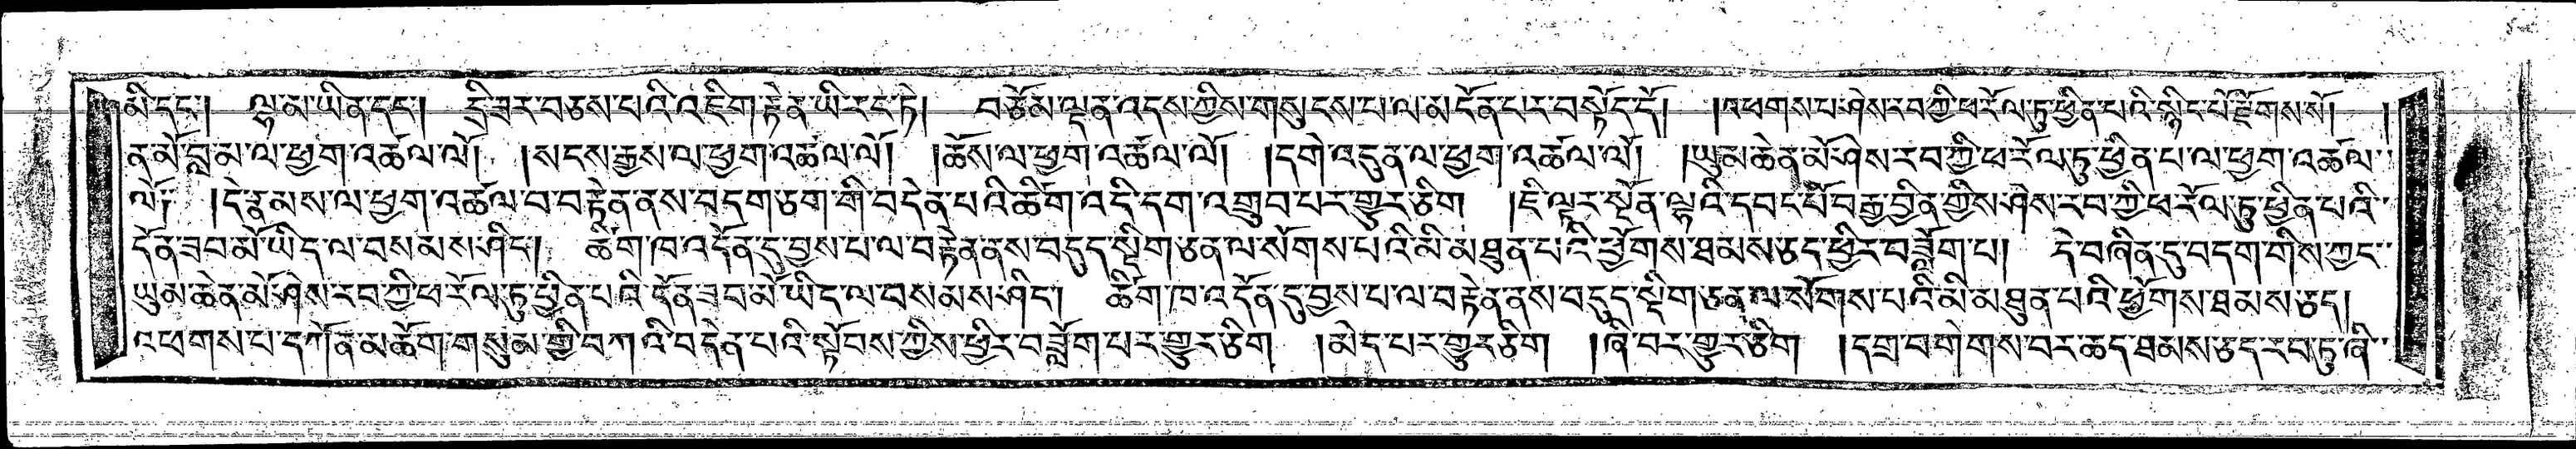མི་དང་། ལྷ་མ་ཡིན་དང་། དྲི་ཟར་བཅས་པའི་འཇིག་རྟེན་ཡི་རང་ཏེ། བཅོམ་ལྡན་འདས་ཀྱིས་གསུངས་པ་ལ་མངོན་པར་བསྟོད་དོ། །འཕགས་པ་ཤེས་རབ་ཀྱི་ཕ་རོལ་ཏུ་ཕྱིན་པའི་སྙིང་པོ་རྫོགས་སོ། །
ན་མོ་བླ་མ་ལ་ཕྱག་འཚལ་ལོ། །སངས་རྒྱས་ལ་ཕྱག་འཚལ་ལོ། །ཆོས་ལ་ཕྱག་འཚལ་ལོ། །དགེ་འདུན་ལ་ཕྱག་འཚལ་ལོ། །ཡུམ་ཆེན་མོ་ཤེས་རབ་ཀྱི་ཕ་རོལ་ཏུ་ཕྱིན་པ་ལ་ཕྱག་འཚལ་
ལོ། །དེ་རྣམས་ལ་ཕྱག་འཚལ་བ་བརྟེན་ནས་བདག་ཅག་གི་བདེན་པའི་ཚིག་འདི་དག་འགྲུབ་པར་གྱུར་ཅིག །ཇི་ལྟར་སྔོན་ལྷའི་དབང་པོ་བརྒྱ་བྱིན་གྱིས་ཤེས་རབ་ཀྱི་ཕ་རོལ་ཏུ་ཕྱིན་པའི་
དོན་ཟབ་མོ་ཡིད་ལ་བསམས་ཤིང་། ཚིག་ཁ་འདོན་དུ་བྱས་པ་ལ་བརྟེན་ནས་བདུད་སྡིག་ཅན་ལ་སོགས་པའི་མི་མཐུན་པའི་ཕྱོགས་ཐམས་ཅད་ཕྱིར་བཟློག་པ། དེ་བཞིན་དུ་བདག་གིས་ཀྱང་
ཡུམ་ཆེན་མོ་ཤེས་རབ་ཀྱི་ཕ་རོལ་ཏུ་ཕྱིན་པའི་དོན་ཟབ་མོ་ཡིད་ལ་བསམས་ཤིང་། ཚིག་ཁ་འདོན་དུ་བྱས་པ་ལ་བརྟེན་ནས་བདུད་སྡིག་ཅན་ལ་སོགས་པའི་མི་མཐུན་པའི་ཕྱོགས་ཐམས་ཅད།
འཕགས་པ་དཀོན་མཆོག་གསུམ་གྱི་བཀའི་བདེན་པའི་སྟོབས་ཀྱིས་ཕྱིར་བཟློག་པར་གྱུར་ཅིག །མེད་པར་གྱུར་ཅིག །ཞི་བར་གྱུར་ཅིག །དགྲ་བགེགས་བར་ཆད་ཐམས་ཅད་རབ་ཏུ་ཞི་